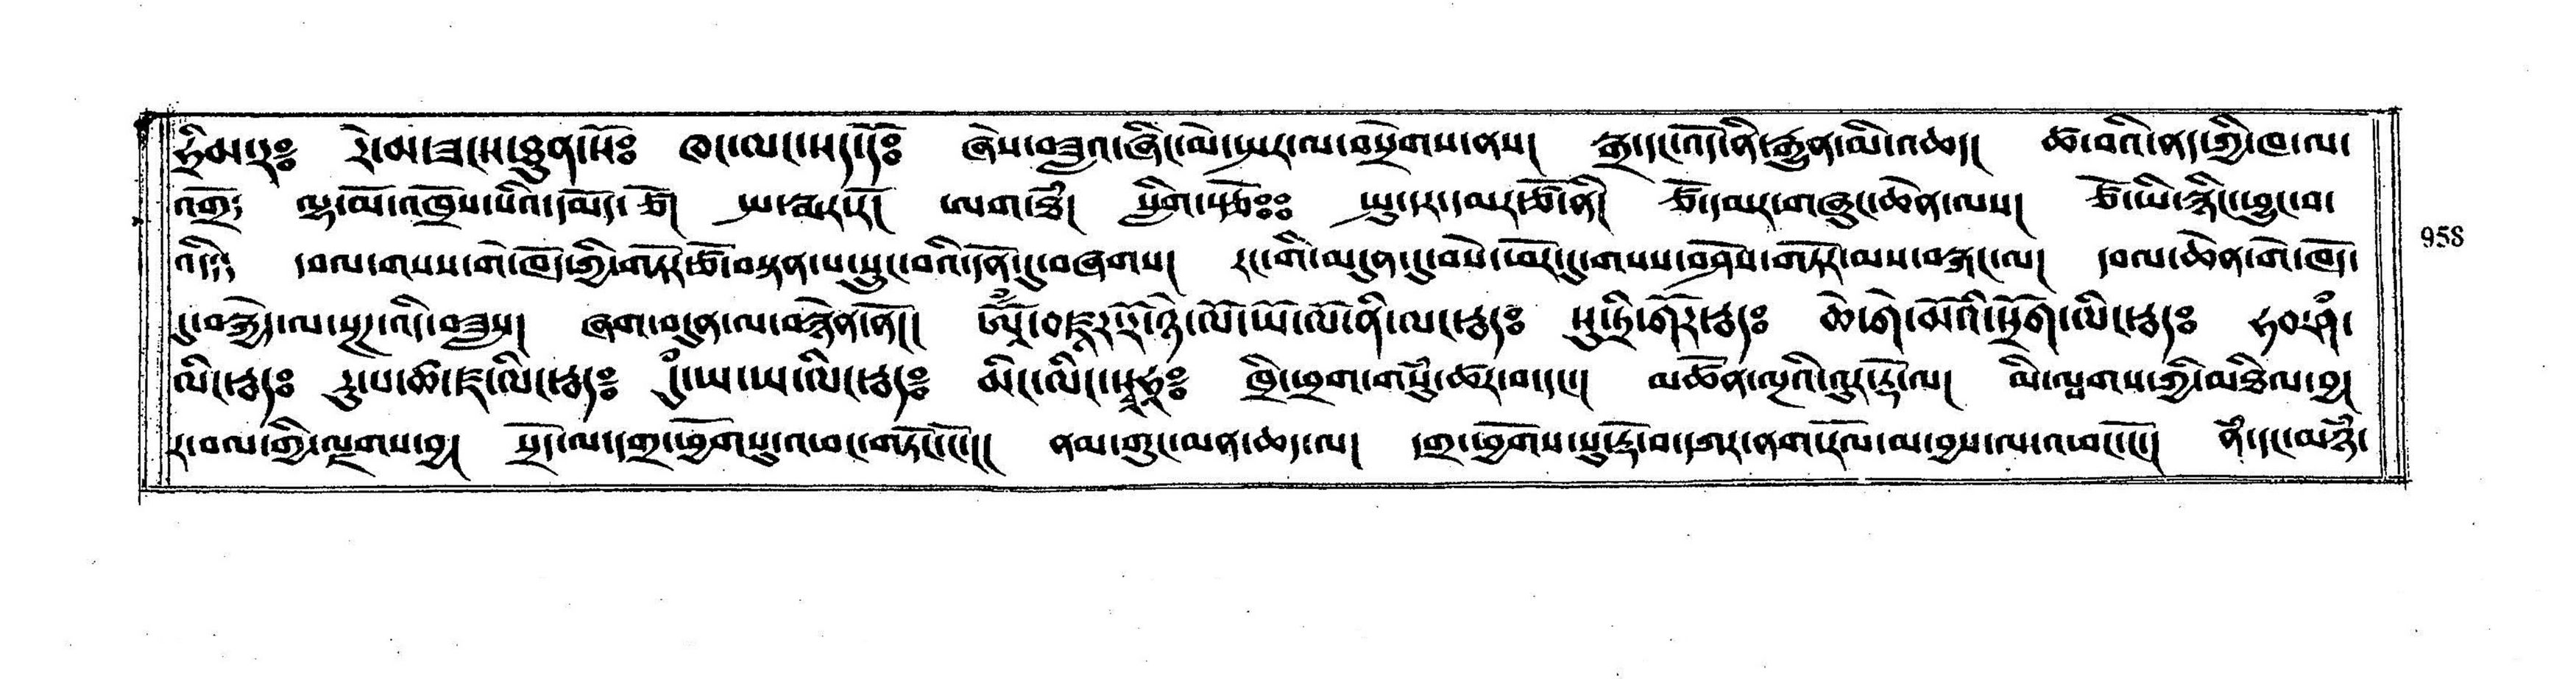ཧྲིམ་ར༔ རེ་མ་ཟངས་ཐུན་སོཿ ཁང་ལང་སད་དོཿ ཞེས་བཟླའ་ཞིང་མེ་སྤར་ལ་བསྲེགས་ནས། སྒྲ་དང་འོད་ནི་རྒྱུན་མི་འཆད། ཚ་བའི་ནགས་ཀྱི་ཁ་ལ་
འགྲོ། ལྷ་མོ་འཁྲོས་པའི་དམོད་ཙོ། སྤ་སྨར་རོ། ཨག་ཐཾ། སླིག་སྩོཿ༔ སྤུ་དར་དམར་ཙོ་ནི། ཙོ་དམར་གཞུང་ཆེན་ལས། ཙོ་ཡི་སྙིང་ཕྱུང་བ་
འདི། དབལ་གསས་གེ་ཁོད་ཀྱི་གཏོར་ཙོ་བསྟན་པ་སྲུང་བའི་དོན་དུ་བཞག། རང་གི་མདུན་དུ་བསེ་ཕོར་དུ་གསས་བཤོས་གཏོར་མས་བསྐང་ལ། དབལ་ཆེན་གེ་ཁོད་
དུ་བསྐྱེད་ལ་སྔགས་འདི་བཟླས། ཞག་བདུན་ལ་བསྙེན་ནོ།། ཨཱོཾ་བཛྲར་རོ་ཉེ་ལོ་ཡོ་ལོ་ནི་ལང་རྦདཿ སུ་ཏྲི་གོར་རྦདཿ ཆེ་གེ་མོའི་སྲོག་ལིང་རྦདཿ ཧབ་ཤཾ་
ལིང་རྦདཿ རུ་པ་ཚ་ཛ་ལིང་རྦད༔ དུམ་ཡ་ཡ་ལིང་རྦད༔ མིང་ལིང་སྭཱཧཱ༔ ཁྲི་ཕྲག་གསུམ་ཚར་བ་དང་། མཚོན་ལྔའི་འུར་རྡོ་ལ། མི་ལྤགས་ཀྱི་མཐིལ་བྱ། 
ར་བལ་གྱི་ལྗགས་བྱ། སྲོད་ལ་དགྲ་ཕྱོགས་སུ་འཕང་གཏོང་ངོ་།། ནམ་གུང་མན་ཆད་ལ། དགྲ་ཕྱོགས་སུ་རྡོ་བ་དཀར་ནག་རོལ་མ་བྱས་ལ་འཕང་ངོ་། ནམ་དང་མཉམ་